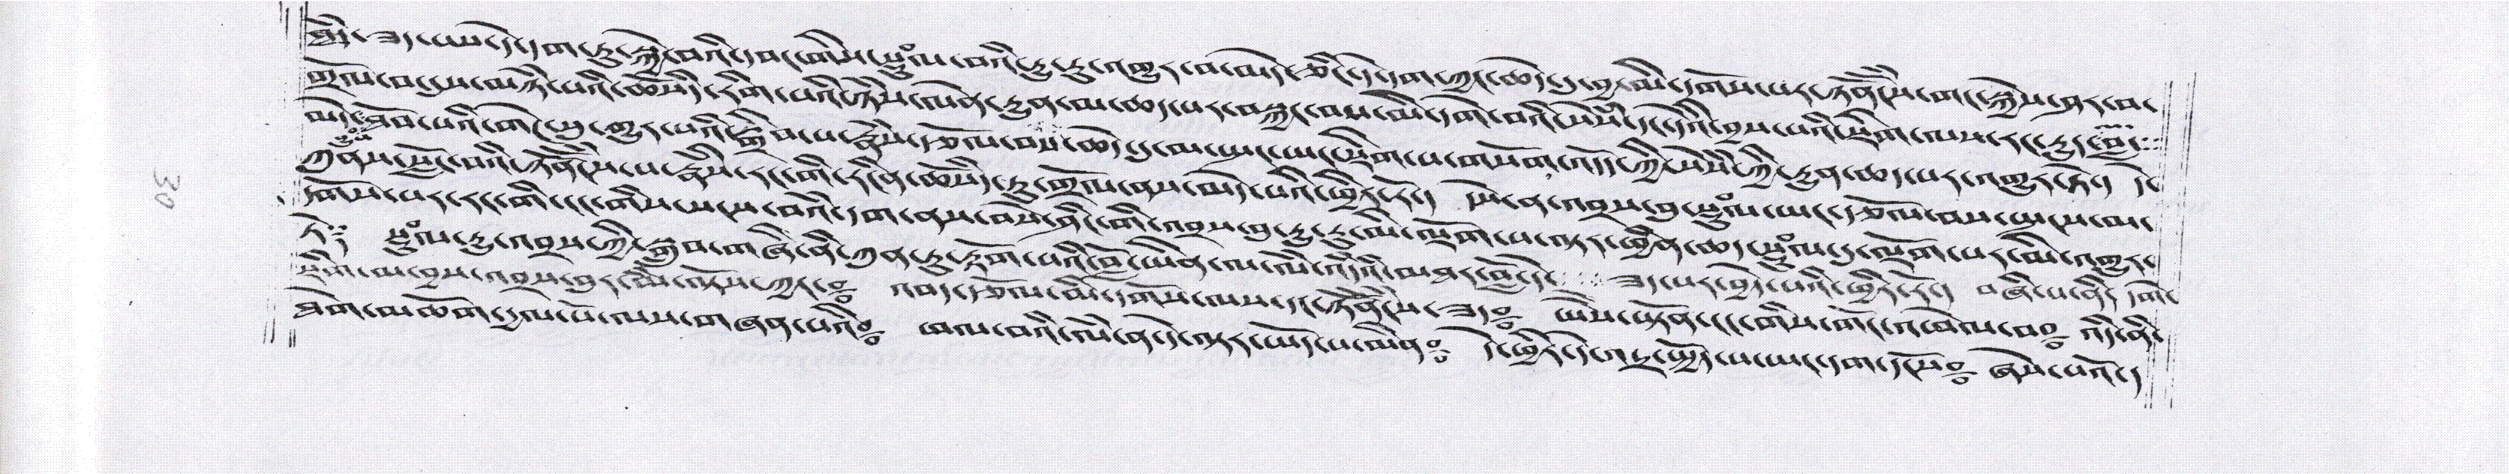ཟད་པས་དེ་དག་ཏུ་སྐྱེ་བའི་དབང་གིས་སྡུག་བསྔལ་བའི་རྒྱུ་རུ་འགྱུར་བ་མེད་ཅིང་དེ་དག་ཀྱང་ཆེད་དུ་བྱ་མི་དགོས་པར་ཉོན་མོངས་གང་སྐྱེས་ཤར་བ་
གྲོལ་བ་དུས་མཉམ་པའི་ཆོས་ཉིད་རིག་པའི་ཉམས་ལེན་རྒྱུན་མ་ཆད་པར་བསྐྱང་བས་མི་དགེ་བའི་སེམས་དང་དེས་བྱས་པའི་སྡིག་ལས་རང་རྒྱུད་ལ་བླ་
མེད་བྱང་ཆུབ་འཐོབ་པའི་གེགས་སུ་གྱུར་པའི་སྒྲིབ་པ་རྣམས་རྩོལ་བས་ཆེད་དུ་མ་སྤང་ཡང་སྡིག་པ་གསོག་འདོད་ཀྱི་སེམས་ཀྱི་རྒྱུན་ཆད་པར་འགྱུར་ཏེ། དེ་
ཀུན་ནས་བསླང་བའི་ཉོན་མོངས་པ་རྣམས་རང་གི་རང་བཞིན་ཆོས་ཉིད་དུ་གྲོལ་ནས་མེད་པའི་ཕྱིར་རོ། དེས་ན་འབྲས་བུ་སྡུག་བསྔལ་ཡང་རྩོལ་བས་སྤང་མ་
དགོས་པར་རང་གིས་ངང་གིས་སངས་པས་དག་ནས་བསེ་ཤིང་འབྲས་བུ་རྒྱུ་རུ་མི་ལྡོག་པ་ལྟར་ཕྱིན་ཆད་སྡུག་བསྔལ་དུ་ལྡོག་པར་མི་འགྱུར་
ཏེ། སྡུག་བསྔལ་རྒྱུ་འབྲས་ཀྱི་སྒྲུབ་གཞི་ནི་ཀུན་ཏུ་རྟོག་པའི་བློ་ཡིན་ལ་ལམ་འདིས་མཐར་བློ་དེ། ཟད་པར་བྱེད་པའི་ཕྱིར་རོ། བཞི་པ་ནི། དགེ་
སྡིག་མ་བྱས་འབྲས་བུར་མི་ལྟོས་ཀྱངཿ འབད་རྩོལ་མི་དགོས་ལས་དང་ཉོན་མོངས་ཟདཿ ཡེ་ཤེས་ཡོན་ཏན་ངང་གིས་གོང་འཕེལ་བཿ འདི་ནི་
ཐེག་མཆོག་རྒྱལ་པོ་ལས་གཞན་པའིཿ ཕལ་པའི་ལམ་ནས་དེ་ལྟར་ཡོད་པ་མིནཿ དེ་ཕྱིར་དེ་འདྲ་སྤྱོད་པ་ཡང་དག་དངོསཿ ཞེས་པའོ།